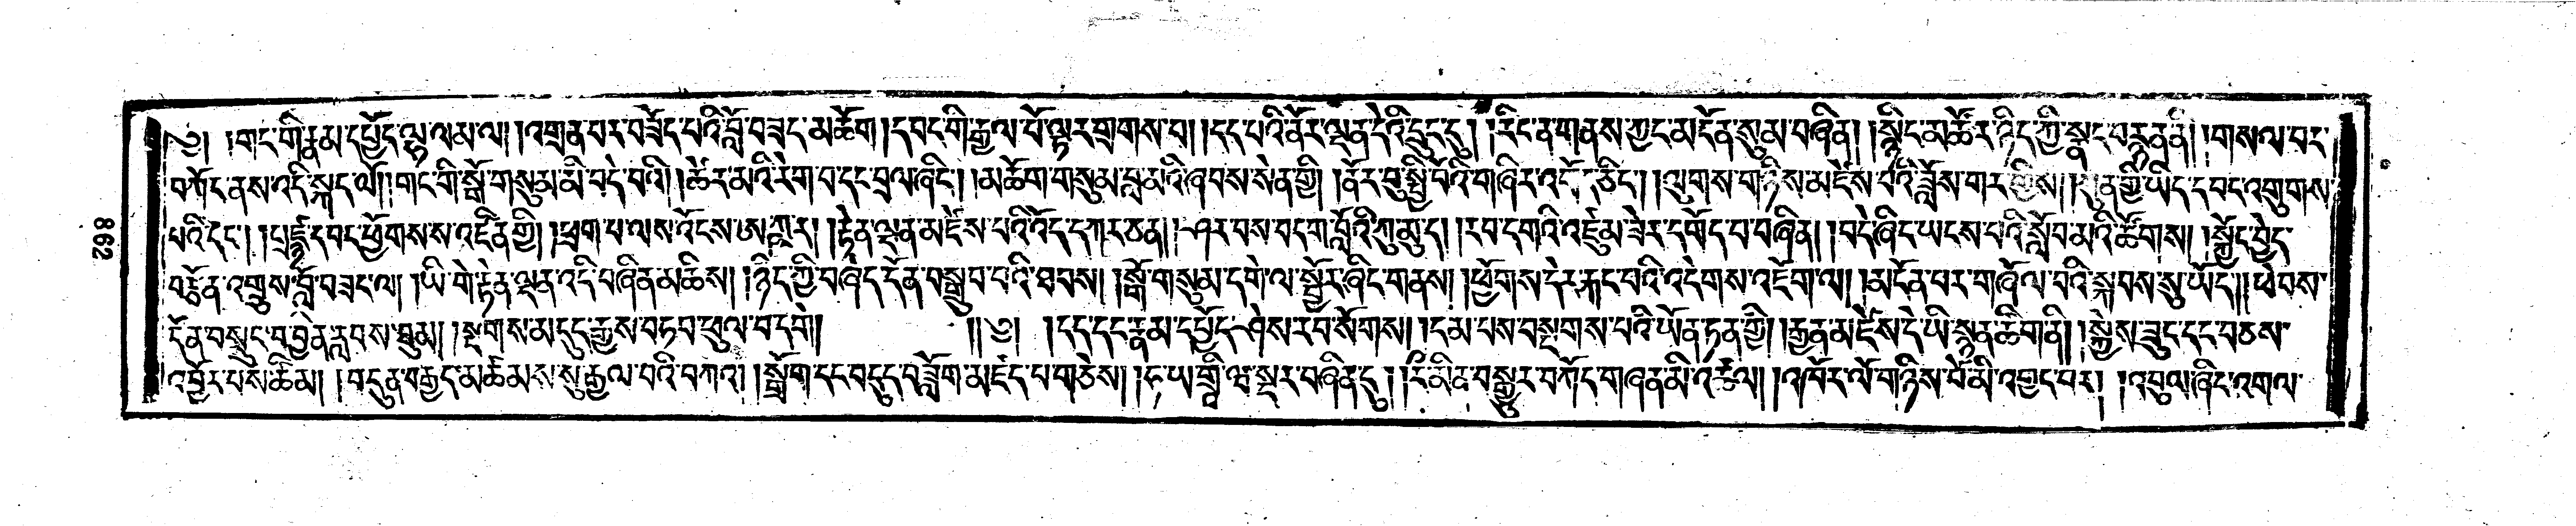༄༅། །གང་གི་རྣམ་དཔྱོད་ལྷ་ལམ་ལ། །འགྲན་པར་བཟོད་པའི་བློ་བཟང་མཆོག །དབང་གི་རྒྱལ་པོ་ལྟར་གྲགས་པ། །དད་པའི་ནོར་ལྡན་དེའི་དྲུང་དུ། །རིང་ན་གནས་ཀྱང་མངོན་སུམ་བཞིན། །སྙིང་མཚོར་ཉིད་ཀྱི་སྣང་བརྙན་ནི། །གསལ་བར་
བཀོད་ནས་འདི་སྐད་ལོ། །གང་གི་སྒོ་གསུམ་མི་བདེ་བའི། །ཚེར་མའི་རེག་པ་དང་བྲལ་ཞིང་། །མཆོག་གསུམ་བླ་མའི་ཞབས་སེན་གྱི། །ནོར་བུ་སྤྱི་བོའི་གཞིར་འགོད་ཅིང་། །ལུགས་གཉིས་མཛེས་པའི་ཟློས་གར་གྱིས། །ཀུན་གྱི་ཡིད་དབང་འགུགས་
པའི་ངང་། །པྲཛྙཱ་དབང་ཕྱོགས་ས་འཛིན་གྱི། །ཕྲག་པ་ལས་འོངས་ཨཀྵ་ར། །རྟེན་ལྡན་མཛེས་པའི་འོད་དཀར་ཅན། །ཤར་བས་བདག་པོའི་ཀུ་མུ་ད། །རབ་དགའི་འཛུམ་ཟེར་དགོད་པ་བཞིན། །བདེ་ཞིང་ཡངས་པའི་སློབ་མའི་ཚོགས། །སྐྱོང་བྱེད་
བརྩོན་འགྲུས་བློ་བཟང་ལ། །ཡི་གེ་རྟེན་ལྡན་འདི་བཞིན་མཆིས། །ཉིད་ཀྱི་བཞེད་དོན་བསྒྲུབ་པའི་ཐབས། །སྒོ་གསུམ་དགེ་ལ་སྦྱོར་ཞིང་གནས། །ཕྱོགས་དེར་རྐང་པའི་འདེགས་འཇོག་ལ། །མངོན་པར་གཞོལ་པའི་སྐབས་སུ་ཡོད། །ཕེབས་
དོན་བསྲུང་བ་བྱིན་རླབས་ཐུམ། །སྔགས་མདུད་རྒྱས་བཏབ་ཕུལ་བ་དགེ། །།༄༅། །དད་དང་རྣམ་དཔྱོད་ཤེས་རབ་སོགས། །དམ་པས་བསྔགས་པའི་ཡོན་ཏན་གྱི། །རྒྱན་མཛེས་དེ་ཡི་སྙན་ཚིག་ནི། །སྐྱེས་ཟུང་དང་བཅས་
འབྱོར་བས་ཚིམ། །བདུན་བརྒྱད་མཚམས་སུ་རྒྱལ་བའི་བཀའ། །སྒྲོག་དང་བདུད་བཟློག་མཛད་པ་གཅེས། །ཧ་ཡ་གྲཱི་ཝ་སྔར་བཞིན་དུ། །རྀ་མིན་བསྒྱུར་བཀོད་གཞན་མི་འཚལ། །འཁོར་ལོ་གཉིས་པོ་མི་འགྱང་བར། །འབུལ་ཞིང་འགལ་